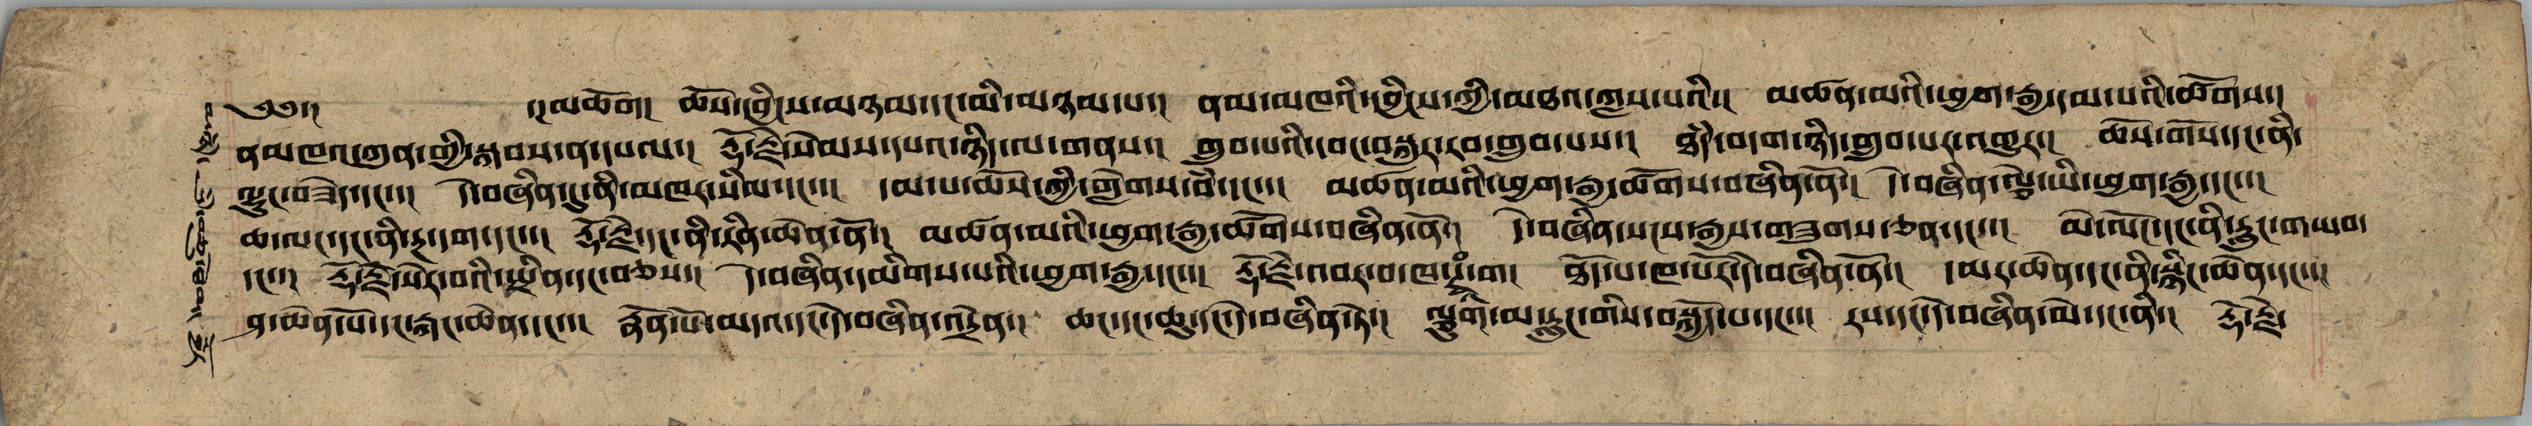༄༅་། ་།མཆོག། ཆོས་དབྱིངས་མཉམ་དང་མི་མཉམ་པ་། ནམ་མཁའི་དབྱིངས་ཀྱི་མཐའ་ཀླས་པའི་། མཚན་མའི་ཕྱག་རྒྱ་དམ་པའི་ཚོགས་།
ནམཁའ་ཀུན་གྱི་སྐབས་ན་དཔལ་། རྡོ་རྗེ་སེམས་དཔའ་ཉིད་ལ་གནས་། གྲུབ་པའི་དབང་བསྐུར་རབ་གྲུབ་པས་། ཐཾད་བདག་ཉིད་གྲུབ་པར་འགྱུར་། ཆོས་གོས་དང་ནི་
ལྷུང་བཟེད་དང་་། དེ་བཞིན་དུ་ནི་མཁར་སིལ་དང་་། དམ་པ་ཆོས་ཀྱི་གླེགས་བཾ་དང་་། མཚན་མའི་ཕྱག་རྒྱ་ཚོགས་བཞིན་ནོ་། དེ་བཞིན་ལྕེ་ཡི་ཕྱག་རྒྱ་དང་་།
ཆ་ལང་དང་ནི་རྔ་དག་དང་་། རྡོ་རྗེ་དང་ནི་རིན་ཆེན་ནོ་། མཚན་མའི་ཕྱག་རྒྱ་ཚོགས་བཞིན་ནོ་། དེ་བཞིན་སངས་རྒྱས་གཟུགས་ཅན་དང་་། མེ་ལོང་དང་ནི་རླུང་གཡབ་
དང་་། རྡོ་རྗེ་སེར་བའི་སྤྲིན་དང་བཅས་། དེ་བཞིན་དམིགས་པའི་ཕྱག་རྒྱ་དང་་། རྡོ་རྗེ་འབར་བ་ཁ་ཊྭཱཾ་ག། ཐོད་པ་ཁ་པོར་དེ་བཞིན་ནོ་། དམར་ཆེན་དང་ནི་སྙིང་ཆེན་དང་་།
ཤ་ཆེན་པོ་དང་རྐང་ཆེན་དང་་། རྣོན་པོ་མདའ་དང་དེ་བཞིན་འདྲེན་། ཆང་དང་ཆུ་དང་དེ་བཞིན་ཏེ་། ལྕུག་མ་རླུང་གིས་བསྐྱོད་པ་དང་་། རས་དང་དེ་བཞིན་མེ་དང་ནི་། རྡོ་རྗེ་